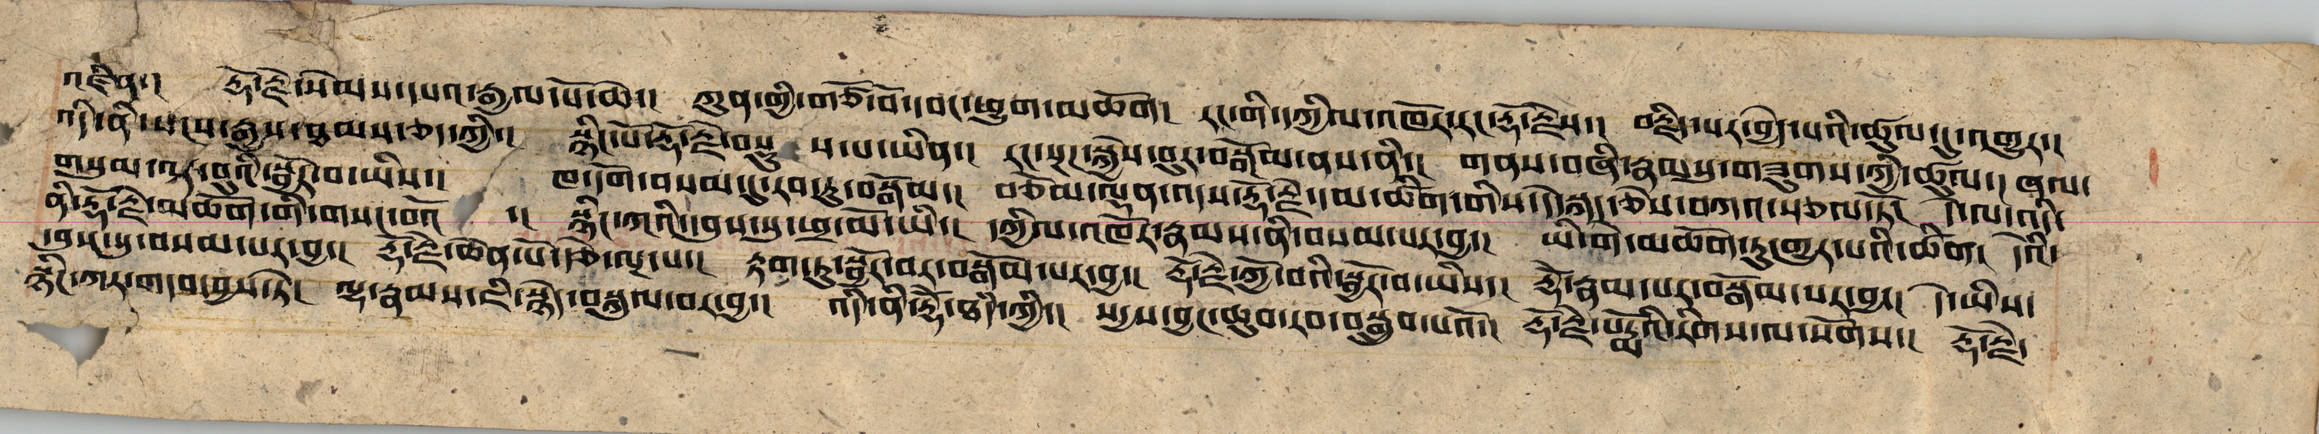འཛིན་། རྡོ་རྗེ་སེམས་དཔའ་རྒྱལ་པོ་ཆེ་། ཀུན་གྱི་གཙོ་བོ་དབང་ཕྱུག་མཆོག། རང་གི་དཀྱིལ་འཁོར་རང་རྡོ་རྗེས་། བརྗིད་པར་བྱེད་པའི་ཚུལ་དུ་འགྱུར་།
འདི་ནི་སངས་རྒྱས་ཐམས་ཅད་ཀྱི་། སྙིང་པོ་རྡོ་རྗེ་བསྡུ ས་པ་ཡིན་། རང་སྔཌ་སྐྱེས་བུར་བསྒོམ་ནས་ནི་། གནས་བཞི་རྣམསུ་གཟུགས་ཀྱི་ཚུལ་། ཞལ་
གསུམ་ལྟ་བུའི་སྦྱོར་བ་ཡིས་། ཁ་དོག་བསམ་དུ་རབ་ཏུ་བསྒོམ་། བཅོམ་ལྡན་འདས་རྡོ་རྗེ་དམ་ཚིག་གིས་དེ་སྐད་ཅེས་བཀའ་སྩལ་ཏོ། དེ་ལ་འདི་
ནི་རྡོ་རྗེ་མཆོག་གི་གསང་བའོ ་། སྙིང་ཀའི་དབུས་སུ་ཕྲ་མོ་ཡི་། དཀྱིལ་འཁོར་རྣམས་ནི་བསམ་པར་བྱ་། ཡི་གེ་མཆོག་ཏུ་གྱུར་པའི་ཚག། དེའི་
དབུས་སུ་བསམ་པར་བྱ་། རྡོ་རྗེ་ཆེན་པོ་རྩེ་ལྔ་པ་། རྟག་ཏུ་སྦྱོར་བར་བསྒོམ་པར་བྱ་། རྡོ་རྗེ་ཀྱོ་བའི་སྦྱོར་བ་ཡིས་། རྡོེ་རྣམ་པར་བསྒོམ་པར་བྱ་། དེ་ཡིས་
སྙིང་ཀར་གདབ་བྱས་ཏེ། ལྷ་རྣམས་ཇི་སྙེད་བསྐུལ་བར་བྱ་། འདི་ནི་རྡོེ་ཐཾད་ཀྱི་། སདྱས་བྱང་ཆུབ་རབ་བསྒྲུབ་པའོ་། རྡོ་རྗེ་པདྨོའི་རིགས་ལ་སོགས་། རྡོ་རྗེ་